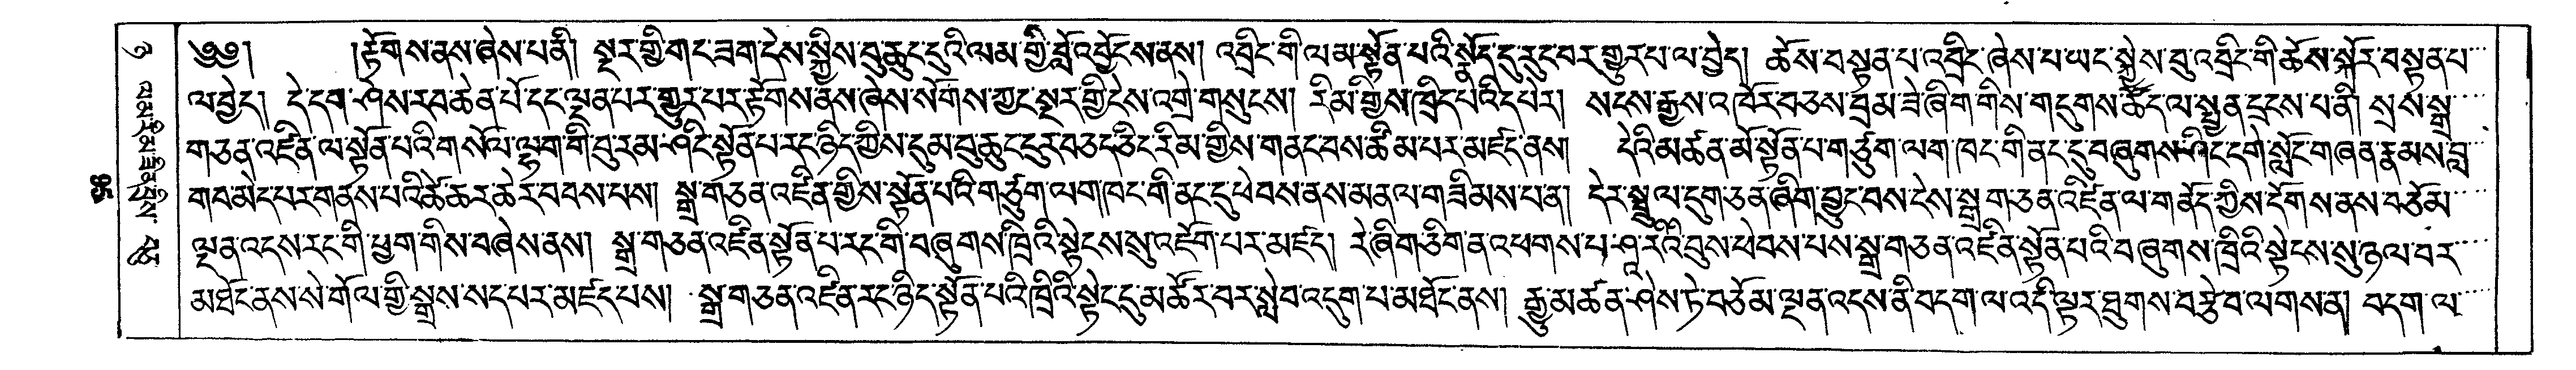༄༅། །རྟོགས་ནས་ཞེས་པ་ནི། སྔར་གྱི་གང་ཟག་དེས་སྐྱེས་བུ་ཆུང་དུའི་ལམ་གྱི་བློ་འབྱོངས་ནས། འབྲིང་གི་ལམ་སྙོན་པའི་སྣོད་དུ་རུང་བར་གྱུར་པ་ལ་བྱེད། ཆོས་བསྟན་པ་འབྲིང་ཞེས་པ་ཡང་སྐྱེས་བུ་འབྲིང་གི་ཆོས་སྐོར་བསྟན་པ་
ལ་བྱེད། དེ་དག་ཤེས་རབ་ཆེན་བོ་དང་ལྡན་བར་གྱུར་པར་རྟོགས་ནས་ཞེས་སོགས་ཀྱང་སྔར་གྱི་དེས་འགྲེ་གསུངས། རིམ་གྱིས་ཁྲིད་པའི་དབེར། སངས་རྒྱས་འཁོར་བཅས་བྲམ་ཟེ་ཞིག་གིས་གདུགས་ཚོད་ལ་སྦྱན་དྲངས་པ་ན། སྲས་སྒྲ་
གཅན་འཛིན་ལ་སྟོན་པའི་གསོལ་ལྷག་གི་བུ་རམ་ཤིང་སྟོན་པ་རང་ཉིད་ཀྱིས་དུམ་བུ་ཆུང་དུར་བཅད་ཅིང་རིམ་གྱིས་གནང་བས་ཚིམ་བར་མཛད་ནས། དེའི་མཚན་མོ་སྟོན་པ་གཙུག་ལག་ཁང་གི་ནང་དུ་བཞུགས་ཤིང་དགེ་སློང་གཞན་རྣམས་བླ་
གབ་མེད་པར་གནས་པའི་ཚེ་ཆར་ཆེར་བབས་བས། སྒྲག་ཅན་འཛིན་གྱིས་སྟོན་པའི་གཙུག་ལག་ཁང་གི་ནང་དུ་ཕེབས་ནས་མནལ་གཟིམས་པ་ན། དེར་སྦྲུལ་དུག་ཅན་ཞིག་བྱུང་བས་དེས་སྒྲ་གཅན་འཛིན་ལ་གནོད་ཀྱིས་དོགས་ནས་བཅོམ་
ལྡན་འདས་རང་གི་ཕྱག་གིས་བཞེས་ནས། སྒྲ་གཅན་འཛིན་སྟོན་བ་རང་གི་བཞུགས་ཁྲིའི་སྟེངས་སུ་འཇོག་བར་མཛད། རེ་ཞིག་ཅིག་ན་འཕགས་པ་ཤཱ་རིའི་བུས་ཕེབས་པས་སྒྲ་གཅན་འཛིན་སྟོན་པའི་བཞུགས་ཁྲིའི་སྟེངས་སུ་ཉལ་བར་
མཐོང་ནས་སེ་གོལ་གྱི་སྒྲས་སད་པར་མཛད་བས། སྒྲ་གཅན་འཛིན་རང་ཉིད་སྟོན་པའི་ཁྲིའི་སྟེང་དུ་མ་ཚོར་བར་སླེབ་འདུག་པ་མཐོང་ནས། རྒྱུ་མཚན་ཤེས་ཏེ་བཅོམ་ལྡན་འདས་ནི་བདག་ལ་འདི་ལྟར་ཐུགས་བརྩེ་བ་ལགས་ན། བདག་ལ་